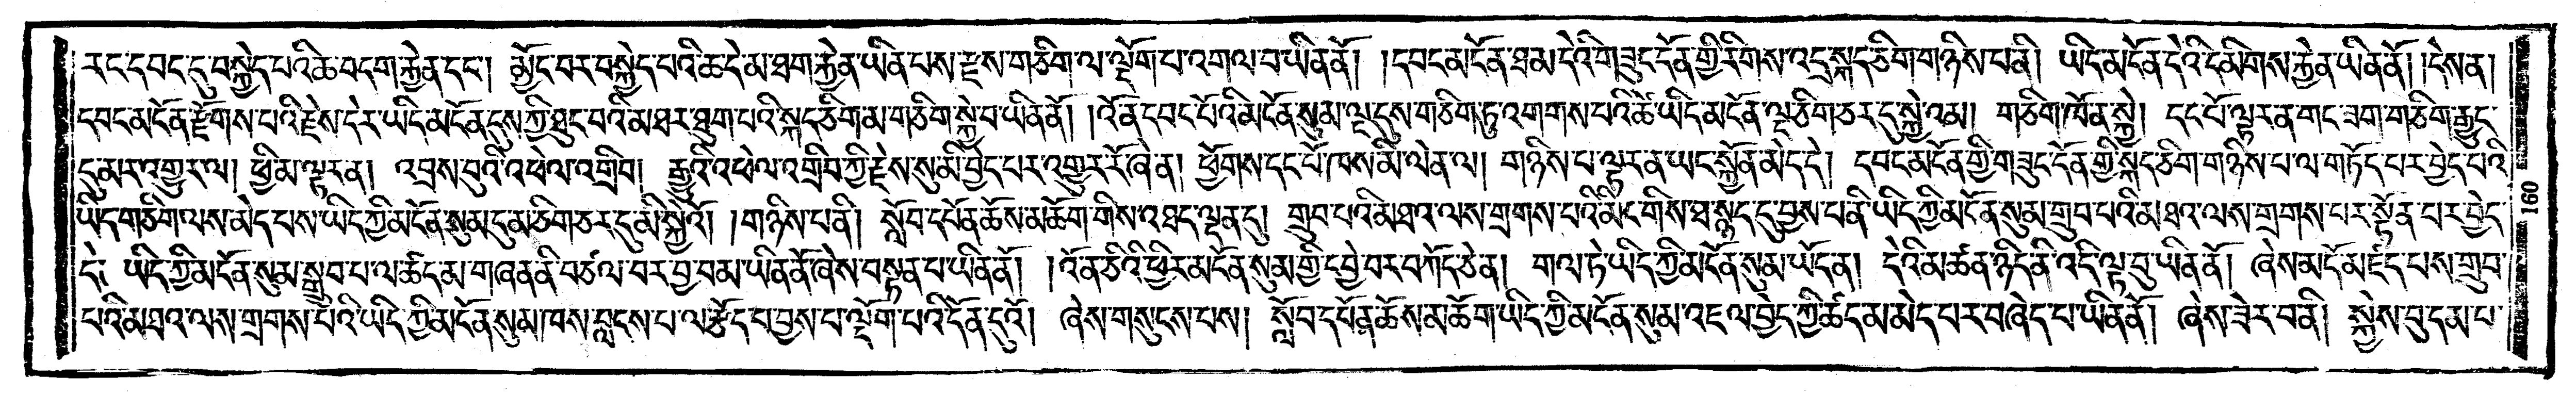རང་དབང་དུ་བསྐྱེད་པའི་ཆ་བདག་རྐྱེན་དང་། མྱོང་བར་བསྐྱེད་པའི་ཆ་དེ་མ་ཐག་རྐྱེན་ཡིན་པས་རྫས་གཅིག་ལ་ལྡོག་པ་འགལ་བ་ཡིན་ནོ། །དབང་མངོན་ཐ་མ་དེའི་གཟུང་དོན་གྱི་རིགས་འདྲ་སྐད་ཅིག་གཉིས་པ་ནི། ཡིད་མངོན་དེའི་དམིགས་རྐྱེན་ཡིན་ནོ། །དེས་ན།
དབང་མངོན་རྫོགས་པའི་རྗེས་དེར་ཡིད་མངོན་དུས་ཀྱི་ཐུང་བའི་མཐར་ཐུག་པའི་སྐད་ཅིག་མ་གཅིག་སྐྱེ་བ་ཡིན་ནོ། །འོ་ན་དབང་པོའི་མངོན་སུམ་ལྔ་དུས་གཅིག་ཏུ་འགགས་པའི་ཚེ་ཡིད་མངོན་ལྔ་ཅིག་ཅར་དུ་སྐྱེ་འམ། གཅིག་ཁོ་ན་སྐྱེ། དང་པོ་ལྟར་ན་གང་ཟག་གཅིག་རྒྱུད་
དུ་མར་འགྱུར་ལ། ཕྱི་མ་ལྟར་ན། འབྲས་བུའི་འཕེལ་འགྲིབ། རྒྱུའི་འཕེལ་འགྲིབ་ཀྱི་རྗེས་སུ་མི་བྱེད་པར་འགྱུར་རོ་ཞེ་ན། ཕྱོགས་དང་པོ་ཁས་མི་ལེན་ལ། གཉིས་པ་ལྟར་ན་ཡང་སྐྱོན་མེད་དེ། དབང་མངོན་གྱི་གཟུང་དོན་གྱི་སྐད་ཅིག་གཉིས་པ་ལ་གཏོད་པར་བྱེད་པའི་
ཡིད་གཅིག་ལས་མེད་པས་ཡིད་ཀྱི་མངོན་སུམ་དུ་མ་ཅིག་ཅར་དུ་མི་སྐྱེའོ། །གཉིས་པ་ནི། སློབ་དཔོན་ཆོས་མཆོག་གིས་འཐད་ལྡན་དུ། གྲུབ་པའི་མཐའ་ལས་གྲགས་པའི་མིང་གིས་ཐ་སྙད་དུ་བྱས་པ་ནི་ཡིད་ཀྱི་མངོན་སུམ་གྲུབ་པའི་མཐའ་ལས་གྲགས་པར་སྟོན་པར་བྱེད་
དེ། ཡིད་ཀྱི་མངོན་སུམ་སྒྲུབ་པ་ལ་ཚད་མ་གཞན་ནི་བཙལ་བར་བྱ་བ་མ་ཡིན་ནོ་ཞེས་བསྟན་པ་ཡིན་ནོ། །འོ་ན་ཅིའི་ཕྱིར་མངོན་སུམ་གྱི་དབྱེ་བར་བཀོད་ཅེ་ན། གལ་ཏེ་ཡིད་ཀྱི་མངོན་སུམ་ཡོད་ན། དེའི་མཚན་ཉིད་ནི་འདི་ལྟ་བུ་ཡིན་ནོ། ཞེས་མདོ་མཛད་པས་གྲུབ་
པའི་མཐའ་ལས་གྲགས་པའི་ཡིད་ཀྱི་མངོན་སུམ་ཁས་བླངས་པ་ལ་རྩོད་པ་བྱས་པ་ལྡོག་པའི་དོན་དུའོ། ཞེས་གསུངས་པས། སློབ་དཔོན་ཆོས་མཆོག་ཡིད་ཀྱི་མངོན་སུམ་འཇལ་བྱེད་ཀྱི་ཚད་མ་མེད་པར་བཞེད་པ་ཡིན་ནོ། ཞེས་ཟེར་བ་ནི། སྐྱེས་བུ་དམ་པ་